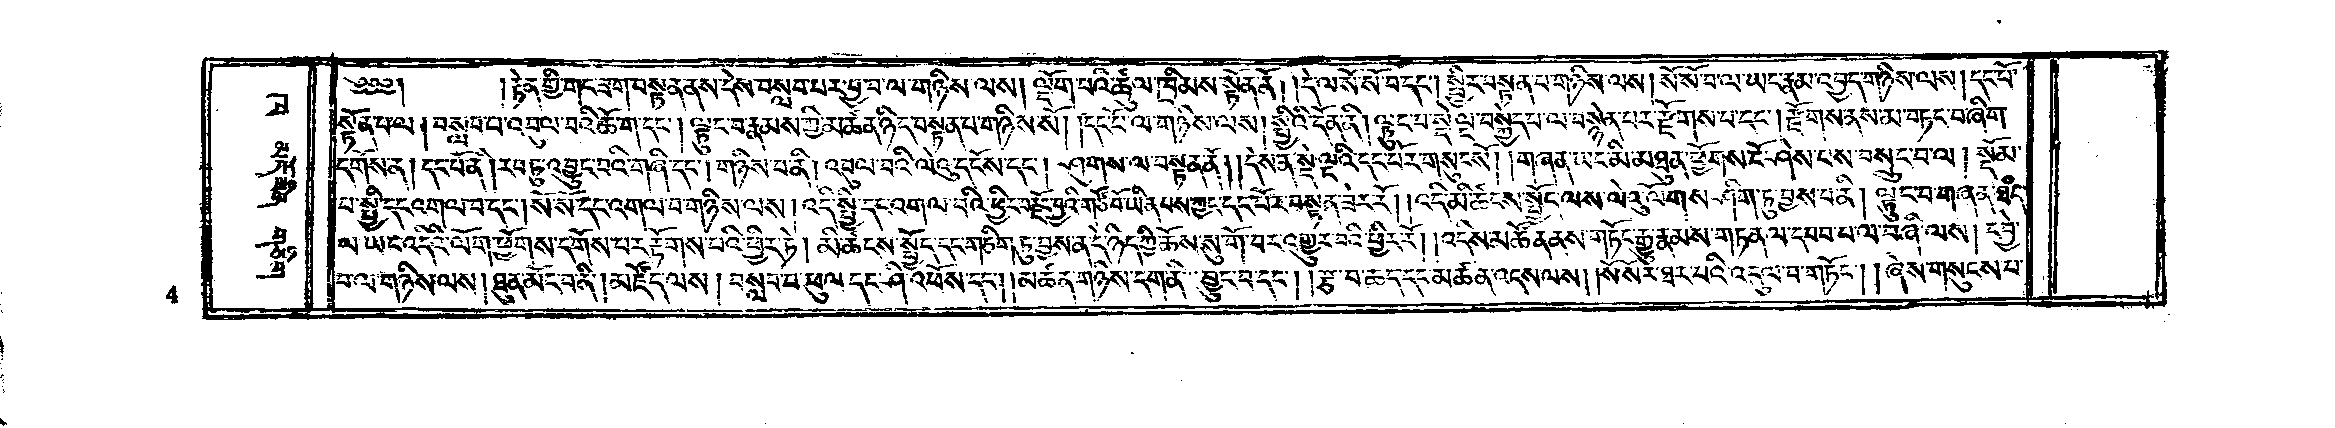༄༅། །རྟེན་གྱི་གང་ཟག་བསྟན་ནས་དེས་བསླབ་པར་བྱ་བ་ལ་གཉིས་ལས། ལྡོག་པའི་ཚུལ་ཁྲིམས་སྟོན་ནོ། །དེ་ལ་སོ་སོ་བ་དང་། སྤྱིར་བསྟན་པ་གཉིས་ལས། སོ་སོ་བ་ལ་ཡང་རྣམ་འབྱེད་གཉིས་ལས། དང་པོ་
སྟོན་པ་ལ། བསླབ་པ་འབུལ་བའི་ཆོ་ག་དང་། ལྟུང་བ་རྣམས་ཀྱི་མཚན་ཉིད་བསྟན་པ་གཉིས་སོ། །དང་པོ་ལ་གཉིས་ལས། སྤྱིའི་དོན་ནི། ལྟུང་བ་སྡེ་ལྔ་བསྐྱེད་པ་ལ་བསྙེན་པར་རྫོགས་པ་དང་། རྫོགས་ནས་མ་བཏང་བ་ཞིག་
དགོས་ན། དང་པོ་ནི། རབ་ཏུ་འབྱུང་བའི་གཞི་དང་། གཉིས་པ་ནི། འཕུལ་བའི་ལེའུ་དངོས་དང་། ཤུགས་ལ་བསྟན་ནོ། །དེས་ན་སྡེ་ལྔའི་དང་པོར་གསུངས་སོ། །གཞན་ཡང་མི་མཐུན་ཕྱོགས་ངོ་ཤེས་པས་བསྲུང་བ་ལ། སྡོམ་
པ་སྤྱི་དང་འགལ་བ་དང་། སོ་སོ་དང་འགལ་བ་གཉིས་ལས། འདི་སྤྱི་དང་འགལ་བའི་ཕྱིར་བརྗོད་བྱའི་གཙོ་བོ་ཡིན་པས་ཀྱང་དང་པོར་བསྟན་ཟེར་རོ། །འདི་མི་ཚངས་སྤྱོད་ལས་ལེའུ་ལོགས་ཤིག་ཏུ་བྱས་པ་ནི། ལྟུང་བ་གཞན་ཐམས་ཅད་
ལ་ཡང་འདིའི་ལོག་ཕྱོགས་དགོས་པར་རྟོགས་པའི་ཕྱིར་ཏེ། མི་ཚངས་སྤྱོད་དང་གཅིག་ཏུ་བྱས་ན་དེ་ཉིད་ཀྱི་ཆོས་སུ་གོ་བར་འགྱུར་བའི་ཕྱིར་རོ། །འདིས་མཚོན་ནས་གཏོང་རྒྱུ་རྣམས་གཏན་ལ་དབབ་པ་ལ་བཞི་ལས། དབྱེ་
བ་ལ་གཉིས་ལས། ཐུན་མོང་བ་ནི། མཛོད་ལས། བསླབ་པ་ཕུལ་དང་ཤི་འཕོས་དང་། །མཚན་གཉིས་དག་ནི་བྱུང་བ་དང་། །རྩ་བ་ཆད་དང་མཚན་འདས་ལས། །སོ་སོར་ཐར་པའི་འདུལ་བ་གཏོང་། །ཞེས་གསུངས་པ་